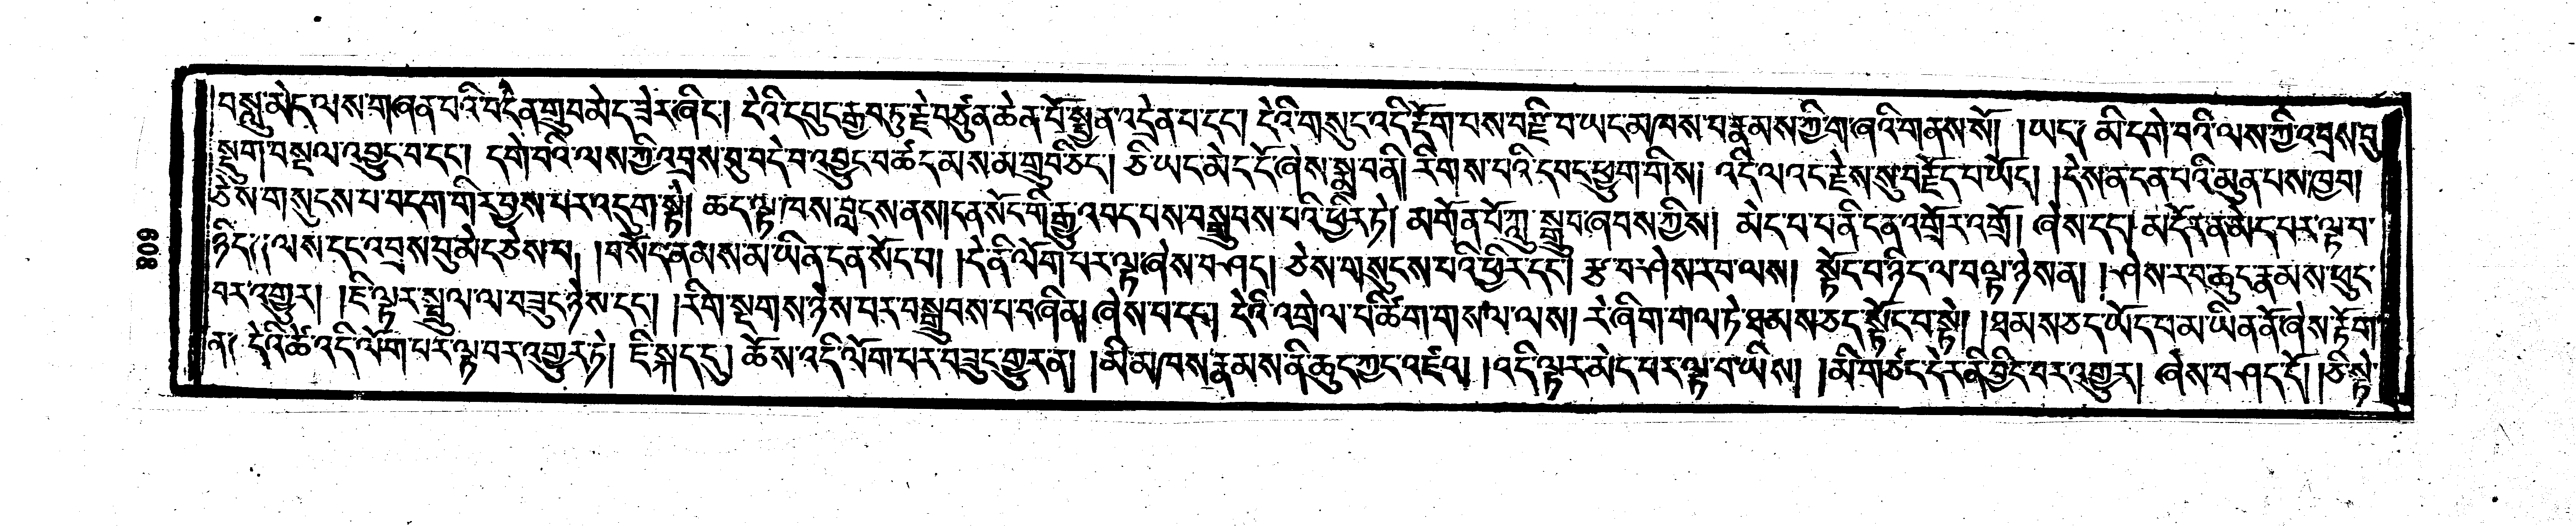བསླུ་མེད་ལས་གཞན་པའི་བདེན་གྲུབ་མེད་ཟེར་ཞིང་། དེའི་དཔུང་རྒྱབ་ཏུ་རྗེ་བཙུན་ཆེན་པོ་སྤྱན་འདྲེན་པ་དང་། དེའི་གསུང་འདི་རྡོག་པས་བརྫི་བ་ཡང་མཁས་པ་རྣམས་ཀྱི་ག་ཞའི་གནས་སོ། །ཡང་། མི་དགེ་བའི་ལས་ཀྱི་འབྲས་བུ་
སྡུག་བསྔལ་འབྱུང་བ་དང་། དགེ་བའི་ལས་ཀྱི་འབྲས་བུ་བདེ་བ་འབྱུང་བ་ཚད་མས་མ་གྲུབ་ཅིང་། ཅི་ཡང་མེད་དོ་ཞེས་སྨྲ་བ་ནི། རིགས་པའི་དབང་ཕྱུག་གིས། འདི་ལའང་རྗེས་སུ་བརྗོད་པ་ཡོད། །དེས་ན་ངན་པའི་མུན་པས་ཁྱབ།
ཅེས་གསུངས་པ་བདག་གིར་བྱས་པར་འདུག་སྟེ། ཆད་ལྟ་ཁས་བླངས་ནས། ངན་སོང་གི་རྒྱུ་འབད་པས་བསྒྲུབས་པའི་ཕྱིར་ཏེ། མགོན་པོ་ཀླུ་སྒྲུབ་ཞབས་ཀྱིས། མེད་པ་བ་ནི་ངན་འགྲོར་འགྲོ། ཞེས་དང་། མདོར་ན་མེད་པར་ལྟ་བ་
ཉིད༑ ༑ལས་དང་འབྲས་བུ་མེད་ཅེས་པ། །བསོད་ནམས་མ་ཡིན་ངན་སོང་བ། །དེ་ནི་ལོག་པར་ལྟ་ཞེས་བཤད། ཅེས་གསུངས་པའི་ཕྱིར་དང་། རྩ་བ་ཤེས་རབ་ལས། སྟོང་པ་ཉིད་ལ་བལྟ་ཉེས་ན། །ཤེས་རབ་ཆུང་རྣམས་ཕུང་
བར་འགྱུར། །ཇི་ལྟར་སྦྲུལ་ལ་བཟུང་ཉེས་དང་། །རིག་སྔགས་ཉེས་པར་བསྒྲུབས་པ་བཞིན། ཞེས་པ་དང་། དེའི་འགྲེལ་པ་ཚིག་གསལ་ལས། རེ་ཞིག་གལ་ཏེ་ཐམས་ཅད་སྟོང་པ་སྟེ། །ཐམས་ཅད་ཡོད་པ་མ་ཡིན་ནོ་ཞེས་རྟོག་
ན༑ དེའི་ཚེ་འདི་ལོག་པར་ལྟ་བར་འགྱུར་ཏེ། ཇི་སྐད་དུ། ཆོས་འདི་ལོག་པར་བཟུང་གྱུར་ན། །མི་མཁས་རྣམས་ནི་ཆུང་ཀྱང་འཛའ། །འདི་ལྟར་མེད་པར་ལྟ་བ་ཡིས། །མི་གཙང་དེར་ནི་བྱིང་བར་འགྱུར། ཞེས་བཤད་དོ། །ཅི་སྟེ་